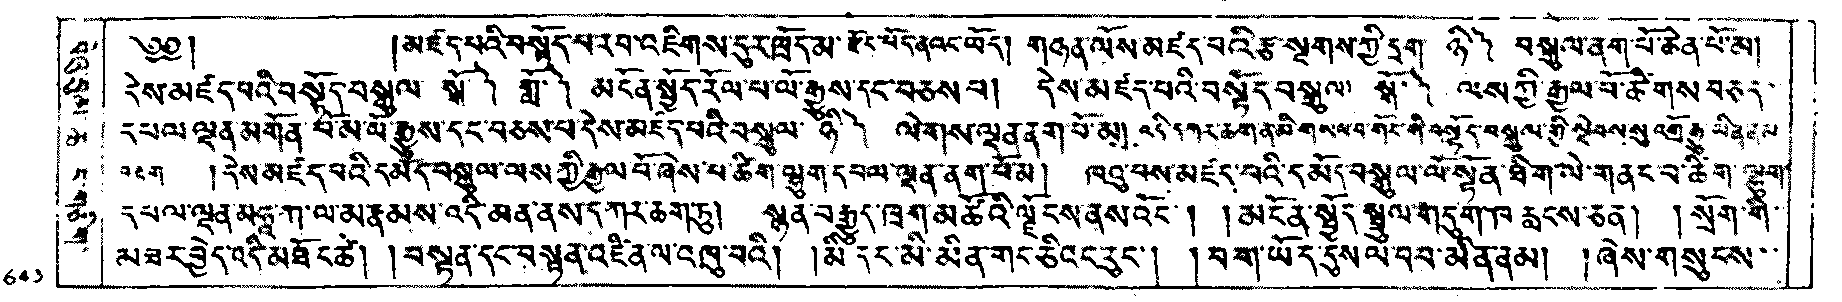༄༅། །མཛད་པའི་བསྟོད་པ་རབ་འཇིགས་དུར་ཁྲོད་མ་རྫོང་པོད་ནའང་ཡོད། གཉན་ལོས་མཛད་པའི་རྩ་སྔགས་ཀྱི་དྲག་ཉ྄ི་བསྐུལ་ནག་པོ་ཆེན་པོ་མ།
དེས་མཛད་པའི་བསྟོད་བསྐུལ་སྒ྄ོ་གླ྄ོ་མངོན་སྤྱོད་རོལ་པ་ལོ་རྒྱུས་དང་བཅས་པ། དེས་མཛད་པའི་བསྟོད་བསྐུལ། སྒ྄ོ་ལས་ཀྱི་རྒྱལ་པོ་ཚིགས་བཅད་
དཔལ་ལྡན་མགོན་པོ་མ་ལོ་རྒྱུས་དང་བཅས་པ་དེས་མཛད་པའི་བསྐུལ་ཉ྄ི་ལེགས་ལྡན་ནག་པོ་མ། འདི་དཀར་ཆག་ན་མི་གསལ་བ་གོང་གི་བསྟོད་བསྐུལ་གྱི་སྡེབས་སུ་འགྲོ་རྒྱུ་ཡིན་ནམ་
བརྟག །དེས་མཛད་པའི་དམོད་བསྐུལ་ལས་ཀྱི་རྒྱལ་པོ་ཞེས་པ་ཚིག་ལྷུག་དཔལ་ལྡན་ནག་པོ་མ། ཁའུ་པས་མཛད་པའི་དམོད་བསྐུལ་ལོ་སྟོན་ཐིག་ལེ་གནང་བ་ཚིག་ལྷུག་
དཔལ་ལྡན་མཧཱ་ཀ་ལ་མ་རྣམས་འདི་མན་ནས་དཀར་ཆག་ཏུ། སྙན་བརྒྱུད་ཁྲག་མཚོའི་ལྗོངས་ནས་འོང་། །མངོན་སྤྱོད་སྦྲུལ་གདུག་ཁ་རླངས་ཅན། །སྲོག་གི་
མཐར་བྱེད་འདི་མཐོང་ཚེ། །བསྟན་དང་བསྟན་འཛིན་ལ་འཁུ་བའི། །མི་དང་མི་མིན་གང་ཅིའང་རུང་། །བག་ཡོད་དུས་ལ་བབ་མིན་ནམ། །ཞེས་གསུངས་